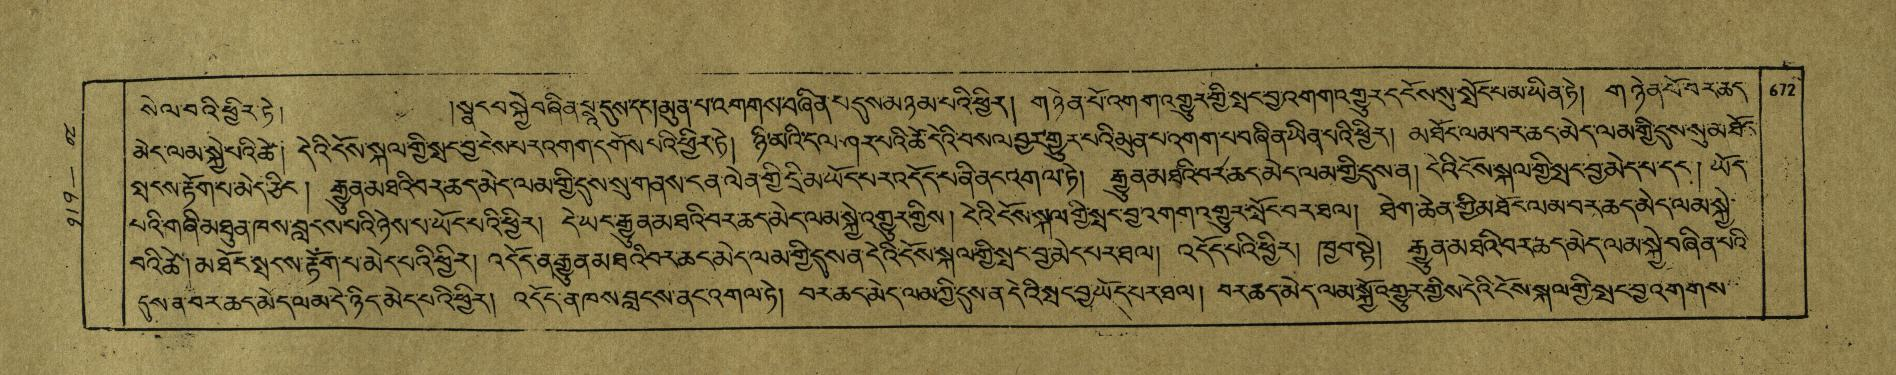སེལ་བའི་ཕྱིར་ཏེ། །སྣང་བསྐྱེ་བཞིན་པཱི་དུས་དང་། མུན་པ་འགགས་བཞིན་པ་དུས་མཉམ་པའི་ཕྱིར། གཉེན་པོ་འགག་འགྱུར་གྱི་སྤང་བྱ་འགག་འགྱུར་དངོས་སུ་སྤོང་པ་མ་ཡིན་ཏེ། གཉེན་པོ་བར་ཆད་
མེད་ལམ་སྐྱེ་པའི་ཚེ། དེའི་ངོས་སྐལ་གྱི་སྤང་བྱ་ངེས་པར་འགག་དགོས་པའི་ཕྱིར་ཏེ། ཉི་མའི་དལ་ཤར་པའི་ཚེ་དེའི་བསལ་བྱར་གྱུར་པའི་མུན་པ་འགག་པ་བཞིན་ཡིན་པའི་ཕྱིར། མཐོང་ལམ་བར་ཆད་མེད་ལམ་གྱི་དུས་སུ་མཐོང་
སྤངས་རྟོག་པ་མེད་ཅིང་། རྒྱུན་མཐའི་བར་ཆད་མེད་ལམ་གྱི་དུས་སུ་གནས་ངན་ལེན་གྱི་དྲི་མ་ཡོད་པར་འདོད་པ་ནི་ནང་འྐལ་ཏེ། རྒྱུན་མཐའི་བར་ཆད་མེད་ལམ་གྱི་དུས་ན། དེའི་ངོས་སྐལ་གྱི་སྤང་བྱ་མེད་པ་དང་། ཡོད་
པའི་གཞི་མཐུན་ཁས་བླངས་པའི་ཉེས་པ་ཡོད་པའི་ཕྱིར། དེ་ཡང་རྒྱུན་མཐའི་བར་ཆད་མེད་ལམ་སྐྱེ་འགྱུར་གྱིས། དེའི་ངོས་སྐལ་གྱི་སྤང་བྱ་འགག་འགྱུར་སྤོང་བར་ཐལ། ཐེག་ཆེན་གྱི་མཐོང་ལམ་བར་ཆད་མེད་ལམ་སྐྱེ་
བའི་ཚེ། མཐོང་སྤངས་རྟོག་པ་མེད་པའི་ཕྱིར། འདོད་ན་རྒྱུན་མཐའི་བར་ཆད་མེད་ལམ་གྱི་དུས་ན་དེའི་ངོས་སྐལ་གྱི་སྤང་བྱ་མེད་པར་ཐལ། འདོད་པའི་ཕྱིར། ཁྱབ་སྟེ། རྒྱུན་མཐའི་བར་ཆད་མེད་ལམ་སྐྱེ་བཞིན་པའི་
དུས་ན་བར་ཆད་མེད་ལམ་དེ་ཉིད་མེད་པའི་ཕྱིར། འདོད་ན་ཁས་བླངས་ནང་འགལ་ཏེ། བར་ཆད་མེད་ལམ་ཀྱི་དུས་ན་དེའི་སྤང་བྱ་ཡོད་པར་ཐལ། བར་ཆད་མེད་ལམ་སྐྱོ་འགྱུར་གྱིས་དེའི་ངོས་སྐལ་གྱི་སྤང་བྱ་འགགས་